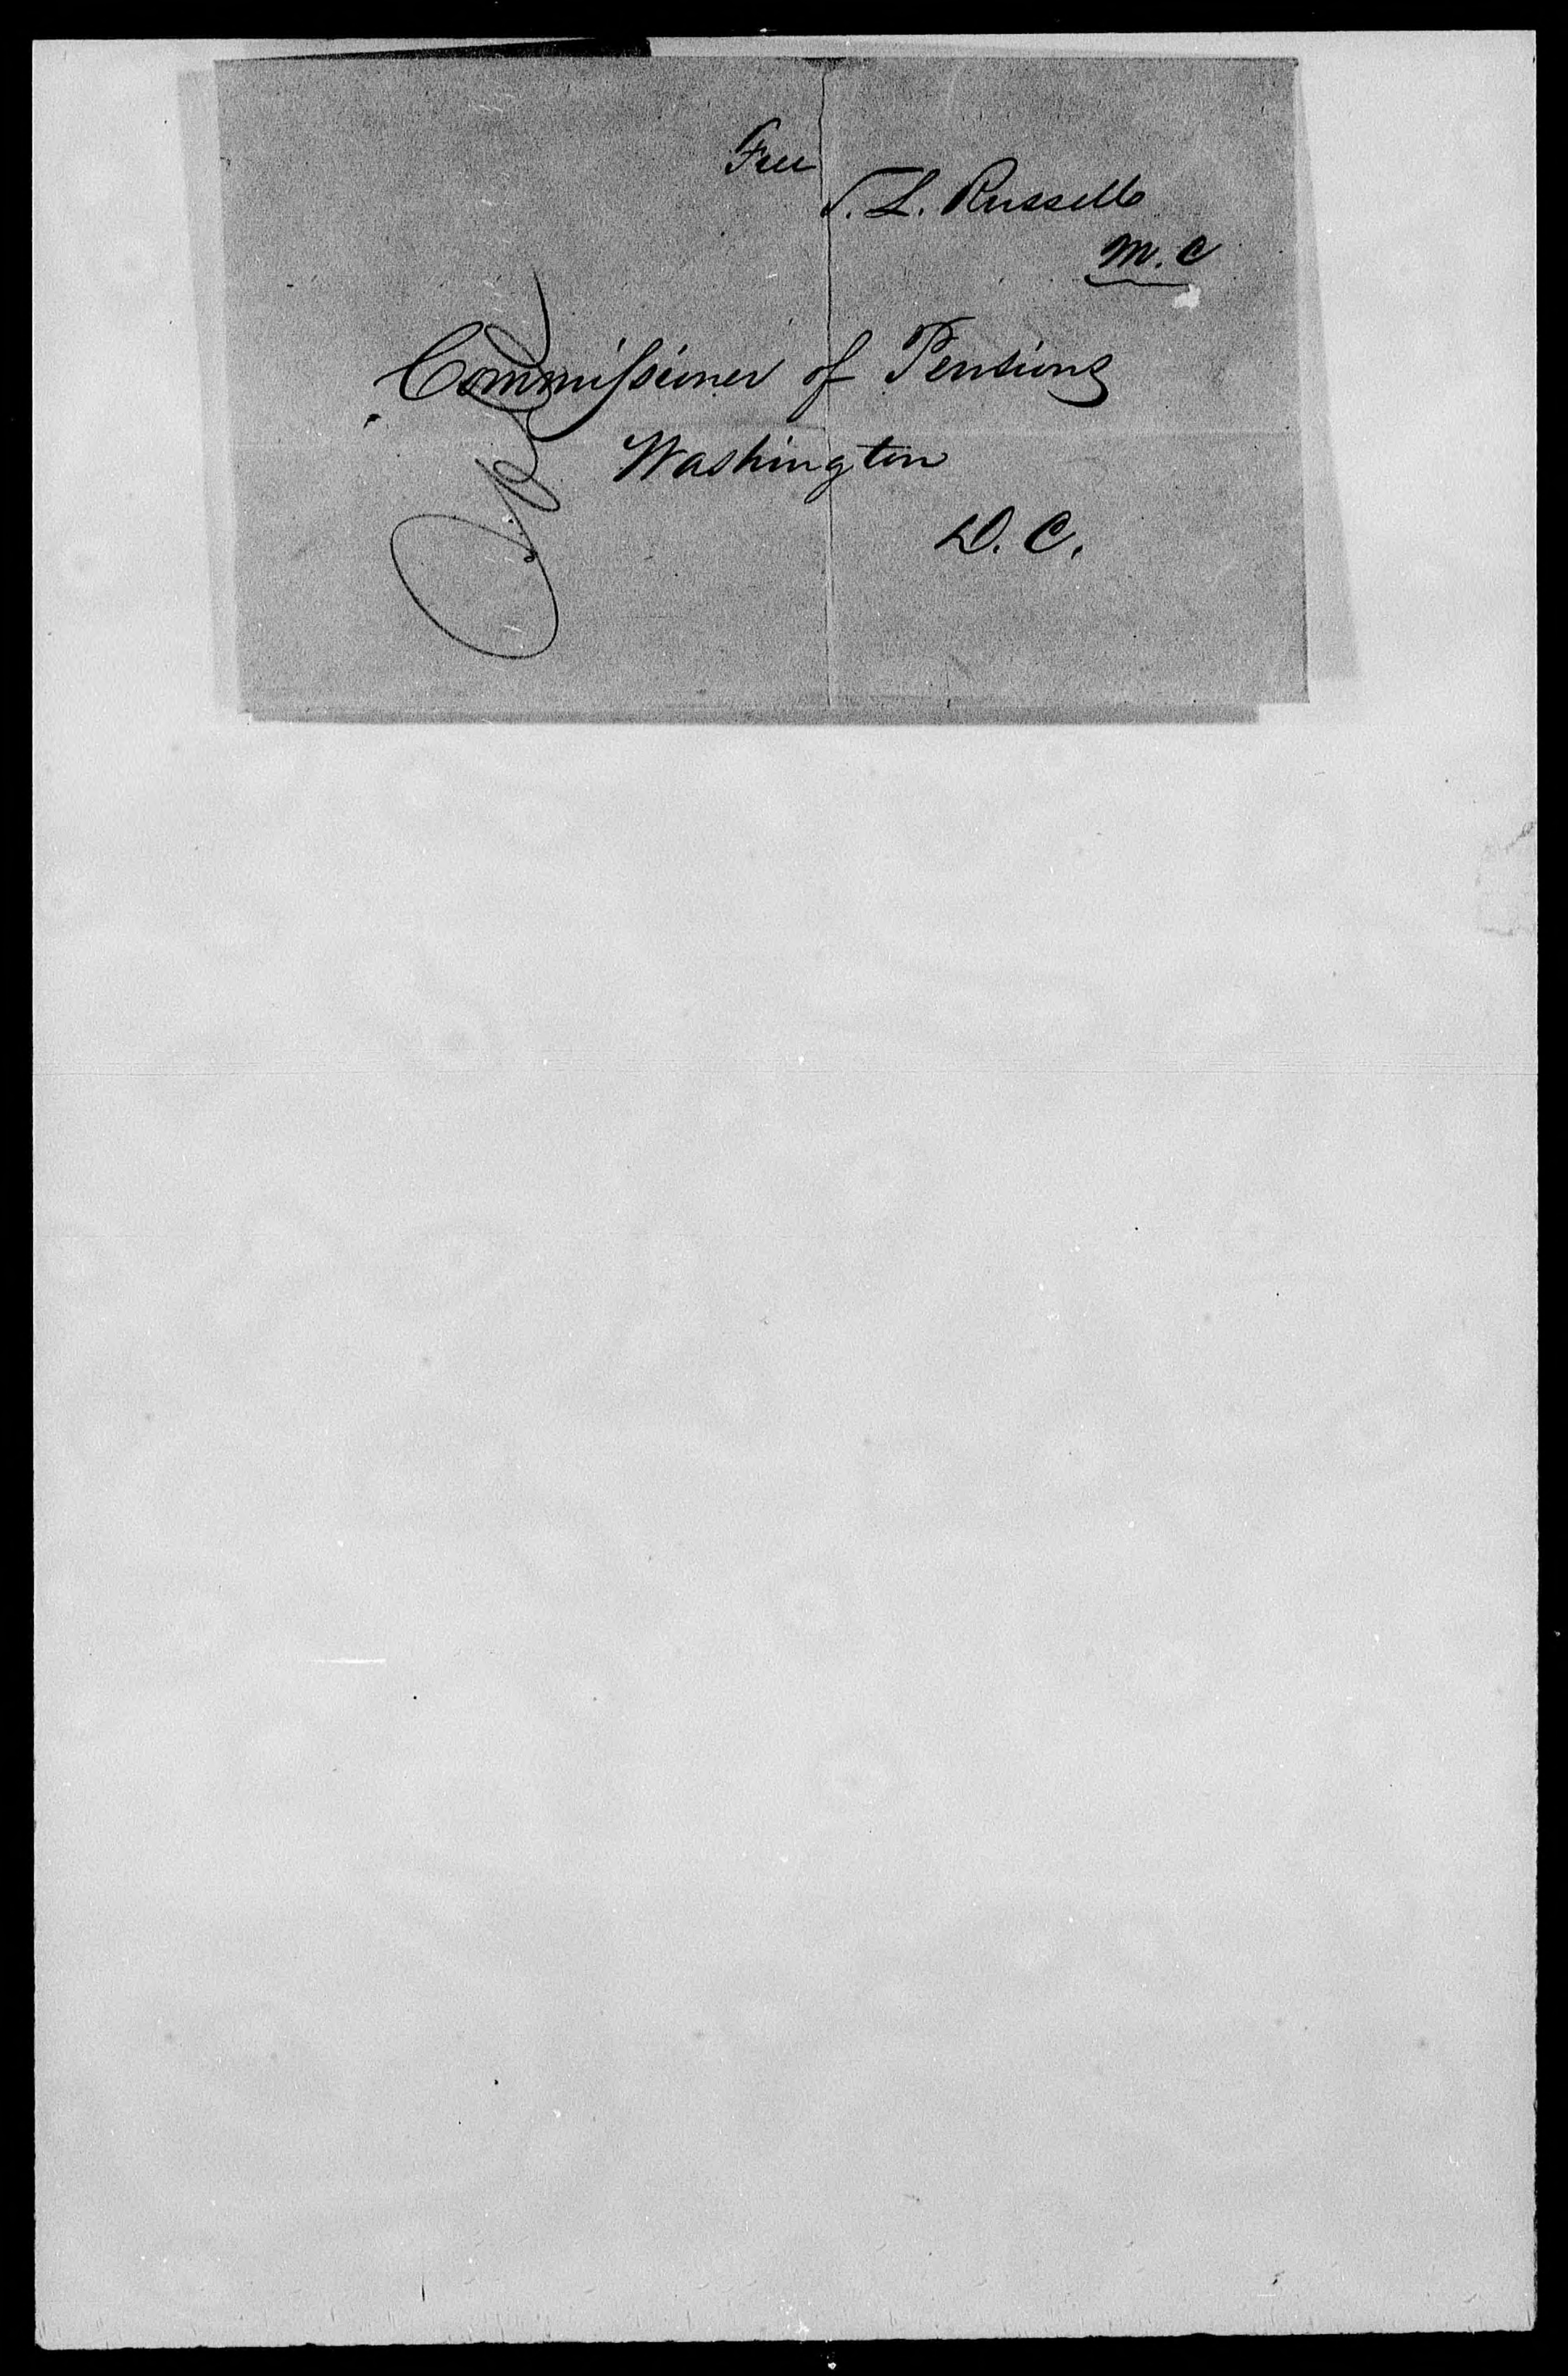Free
S. L. Russell
M. C
Commissioner of Pensions
Washington
D. C.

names: S L Russell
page: 16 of 35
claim: rejected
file: R. 2,650, Daniel Daniels, Penn.